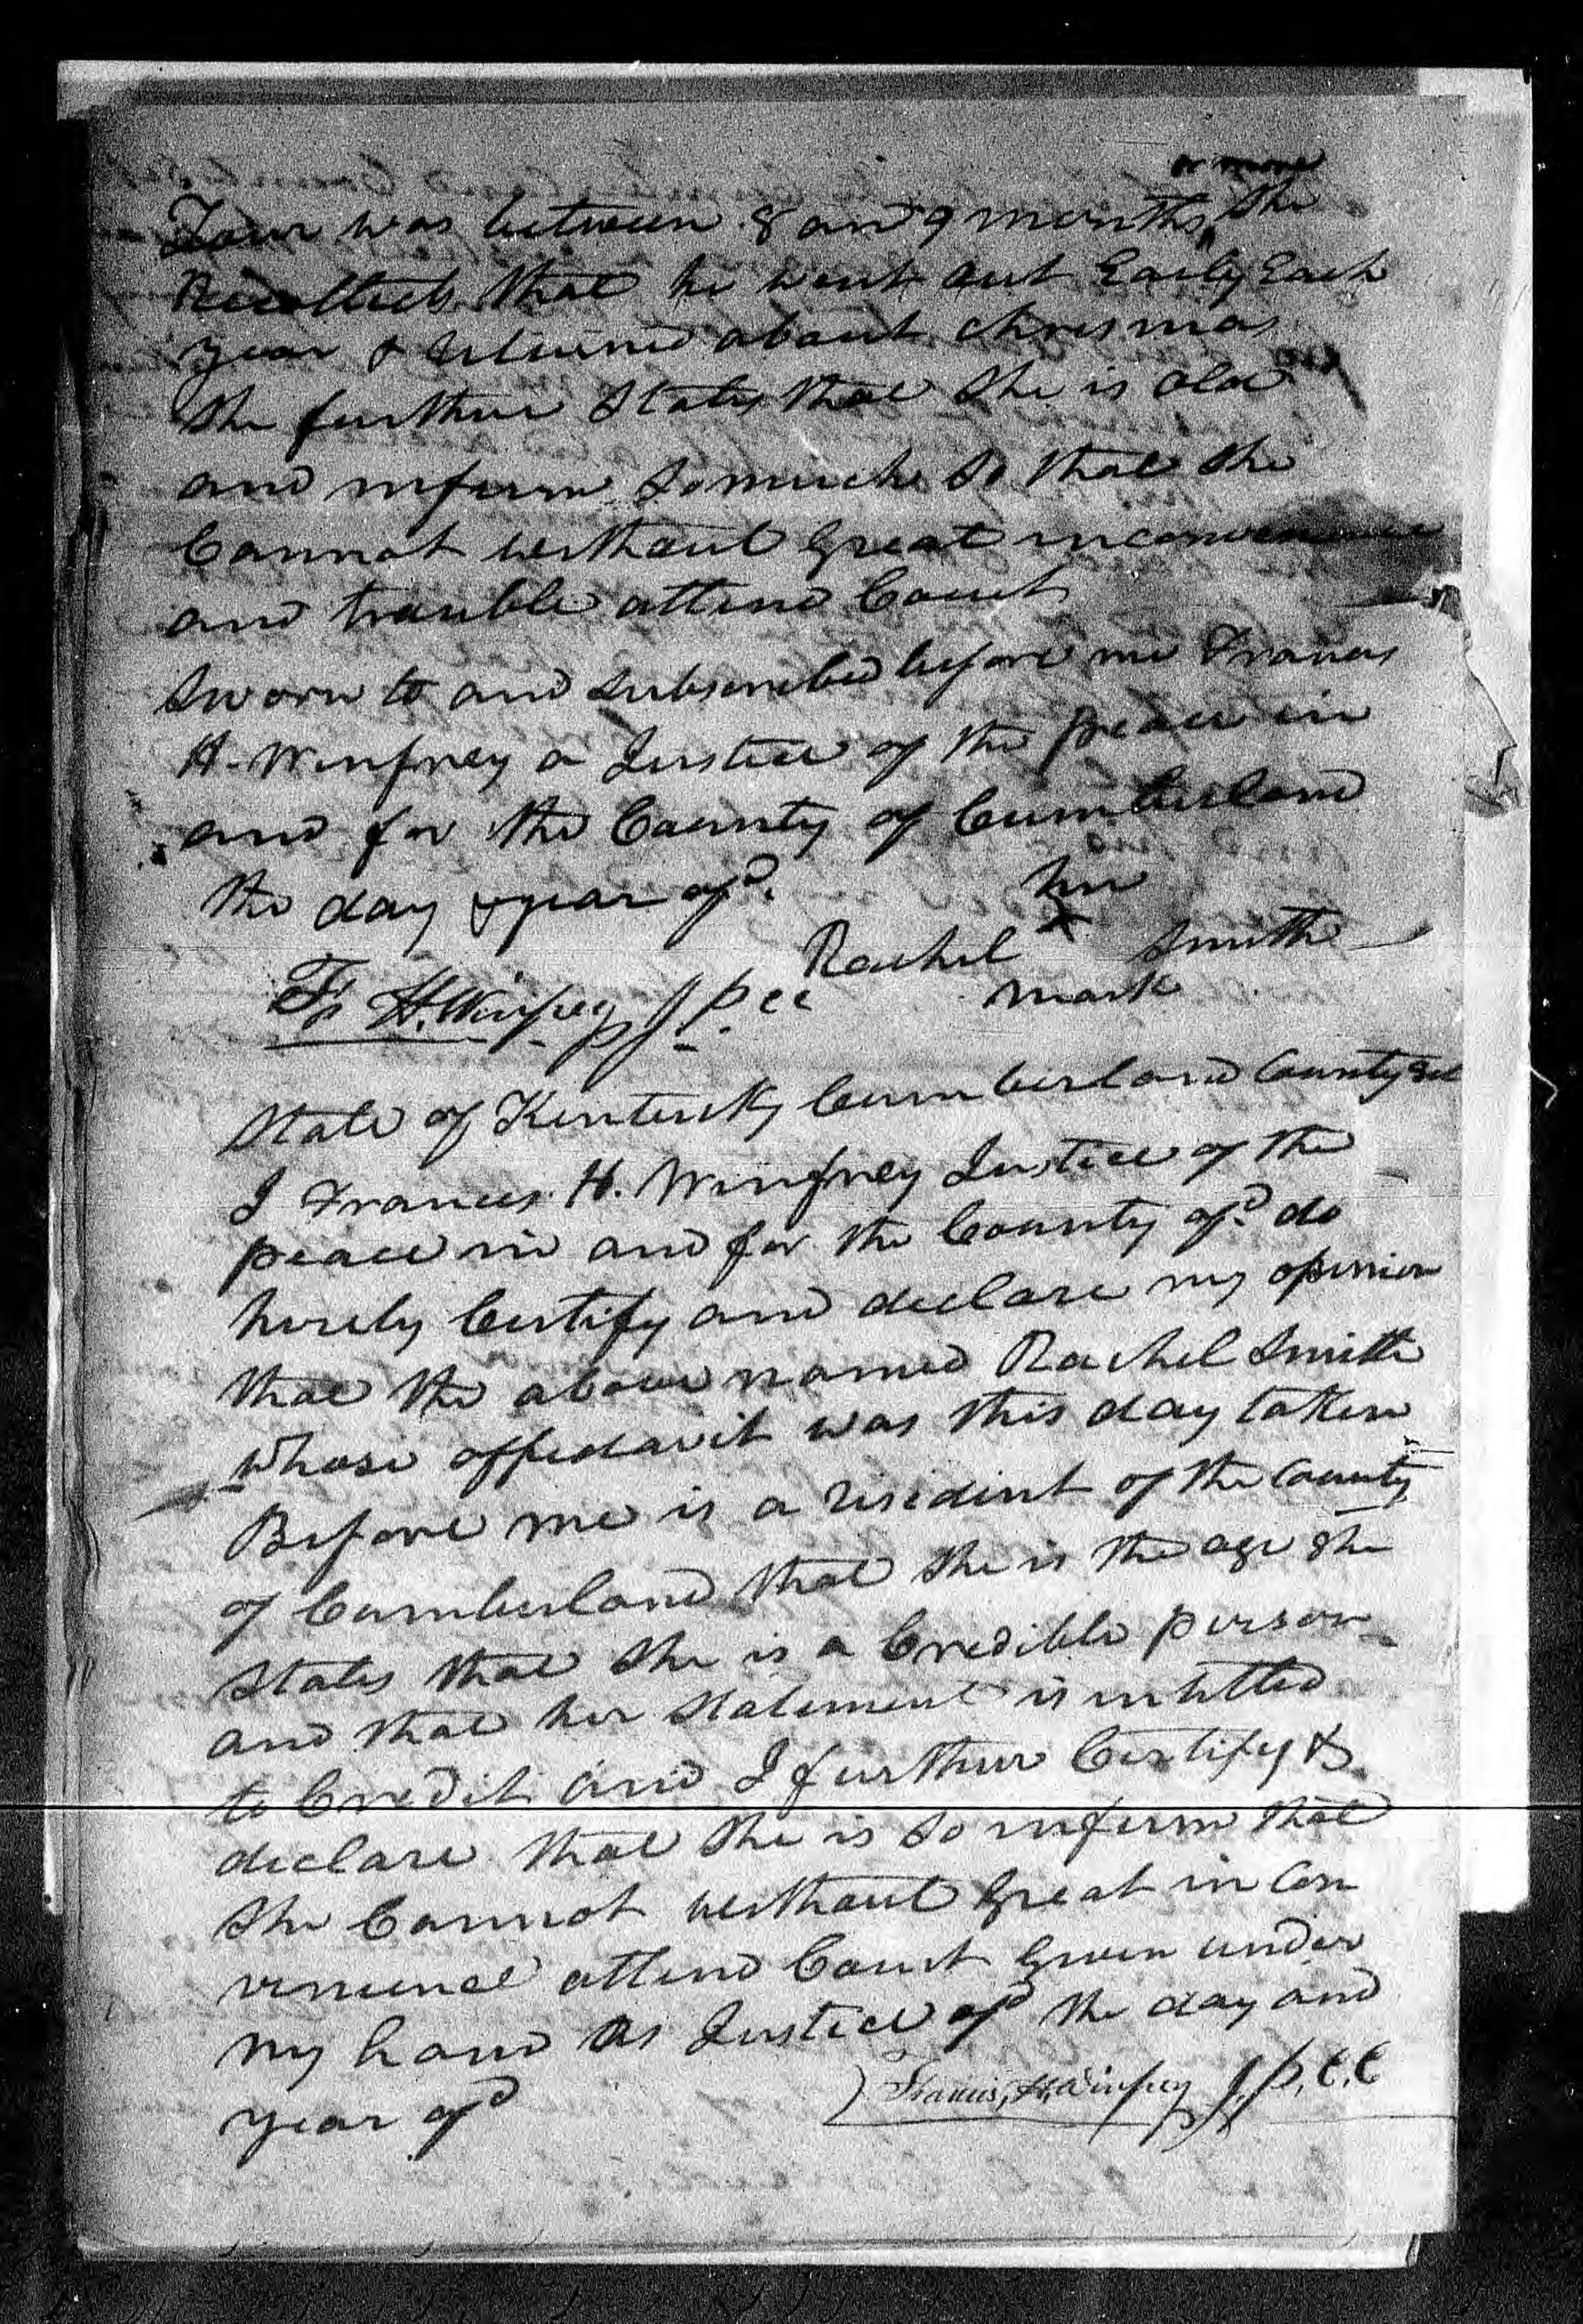Tour was between 8 and 9 months or more she recollects that he went out early each year and returned about Chrismas [Christmas]. She further states that she is old and infirm so much so that she cannot without great inconvenience and trouble attend court.
Sworn to and subscribed before me Francis H Winfrey a Justice of the Peace in and for the county of Cumberland the day and year [illegible]  [signed] Rachel Smith (her mark)
F. H Winfrey JP Cc

State of Kentucky  Cumberland County
I Francis H Winfrey Justice of the Peace in and for the county afd [aforesaid] do hereby certify and declare my opinion that the above named Rachel Smith whose affidavit was this day taken before me is a resident of the county of Cumberland that she is that age she states that the is a credible person and that her statement is entitled  to credit and I further cerfity and declare that she is so inform that she cannot without great inconvenience attend court given under my hand as Justice afd [aforesaid] The day and year afd [aforesaid]    [signed] Franci H Winfrey JP CC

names: Francis H Winfrey, Rachel Smith, F H Winfrey, Rachel Smith, Francis H Winfrey, Francis H Winfrey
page: 87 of 91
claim: widow's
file: W 358, John Grider, N.C.